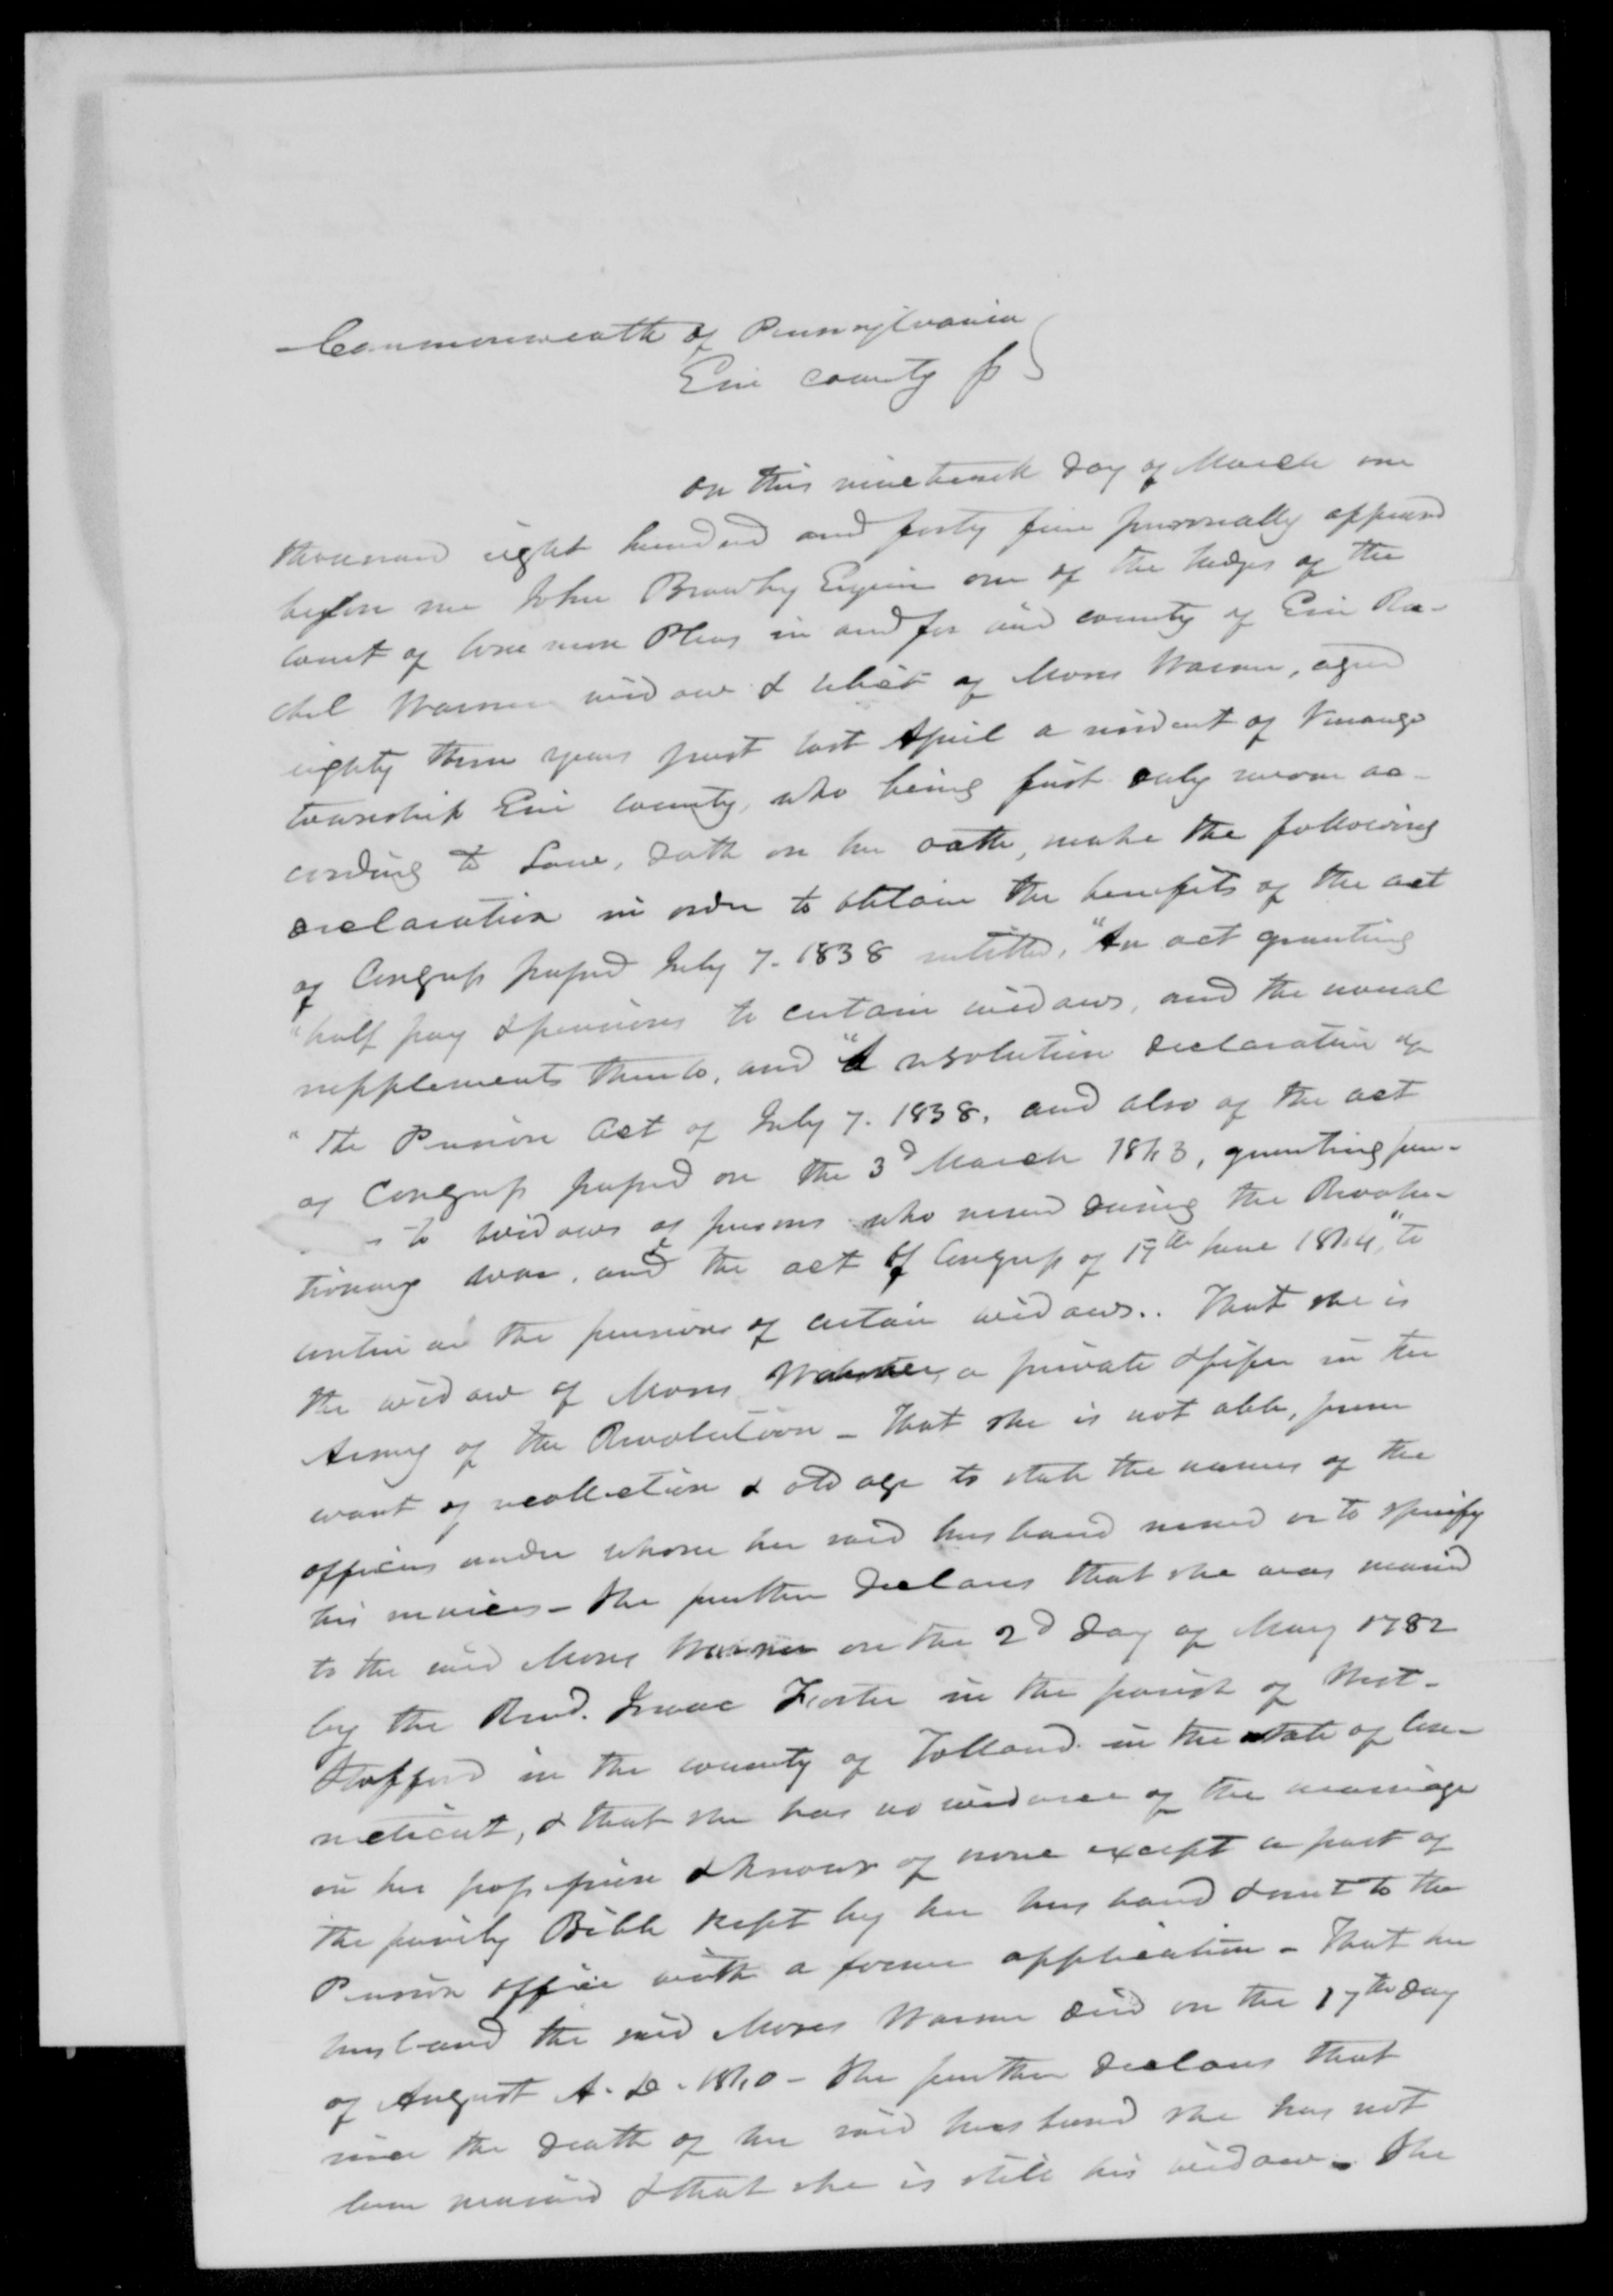Commonwealth of Pennsylvania}
Erie County}
On this nineteenth day of March one
thousand eight hundred and forty five personally appeared
before me John Browley Esquire one of the Judges of the
Court of Common Pleas in and for said county of Erie Rachel Warner widow and [Illegible] of Moses Warner, aged
eighty three years past last April a resident of Venango
township Erie County, who being first duly sworn according to Law, doth on her oath, make the following
declaration in order to obtain the benefits of the act
of Congress passed on July 7. 1838 entitled, "An act granting
"half pay and pensions to certain widows, and the usual
supplements thereto and "A resolution declaration of
"the Pension Act of July 7. 1838, and also of the act
of Congress passed on the 3 d  March 1843, granting pensions to widows of persons who served during the Revolutionary War, and the Act of Congress of 19th June 1844 "to
[Illegible]the pensions of certain widows..That she is
the widow of Moses Warner a private and fifer in the 
Army of the Revolution-That she is not able from
want of recollection and old age to state the names of the 
officers under whom her said husband served or to verify
his memories- she further declares that she was married
to the said Moses Warner on the 2d day of May 1782
by the Revd. Isaac Foster in the Parrish of West-
Stafford in the county of Tolland in the state of Connecticut, and that she has no evidence of the marriage
in her possession and knows of none except a part of
the family Bible kept by her husband and sent to the
Pension Office with a previous application- That her
husband the said Moses Warner died on the 17th day
of August A.D. 1840- She further declares that
since the death of her said husband she has not
been married and that she is still his widow- She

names: Moses Warner, Moses Warner, Rachel Warner, Moses Warner, John Browley, Isaac Foster, Moses Warner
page: 18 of 40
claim: widow's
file: W. 3742, Moses Warner, Conn.